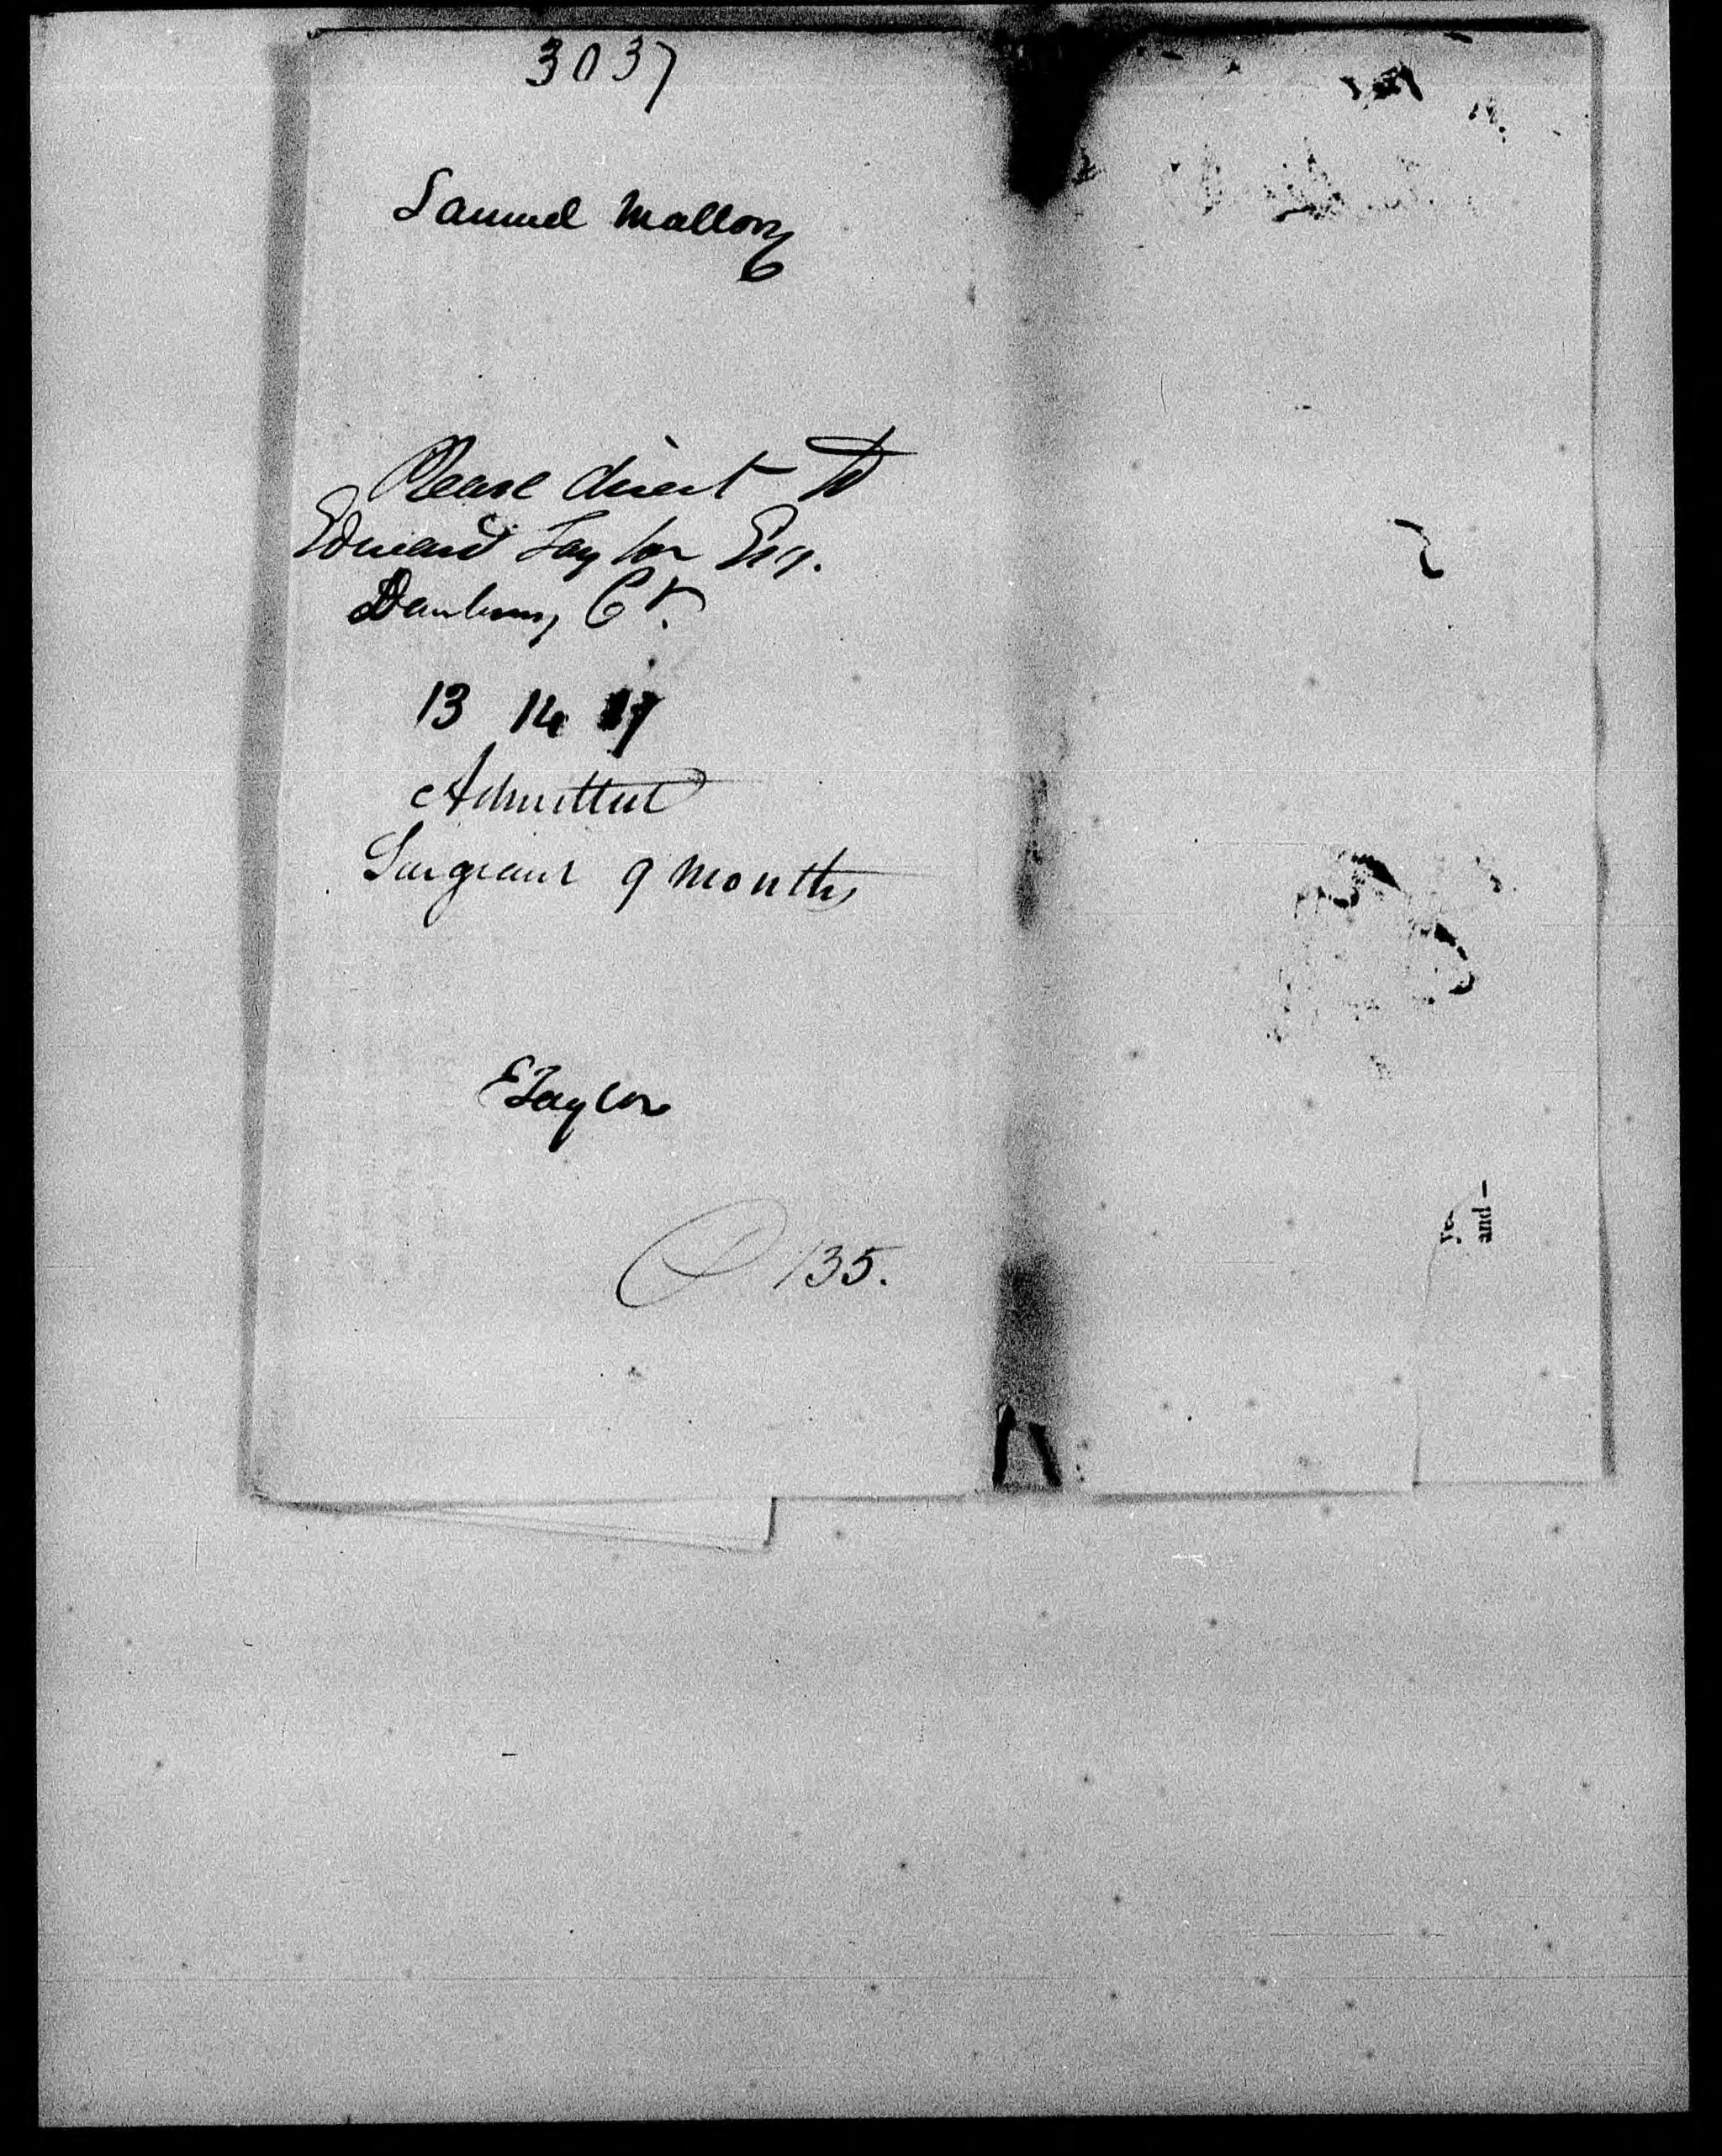3037
Samuel Mallory
Please direct to
Edward Taylor Esq
Danbury CT
13 14 11
Admitted
Sargeant 9 months
E Taylor
P 135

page: 20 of 29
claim: survivor's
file: S. 23,312, for Samuel Mallery, Connecticut